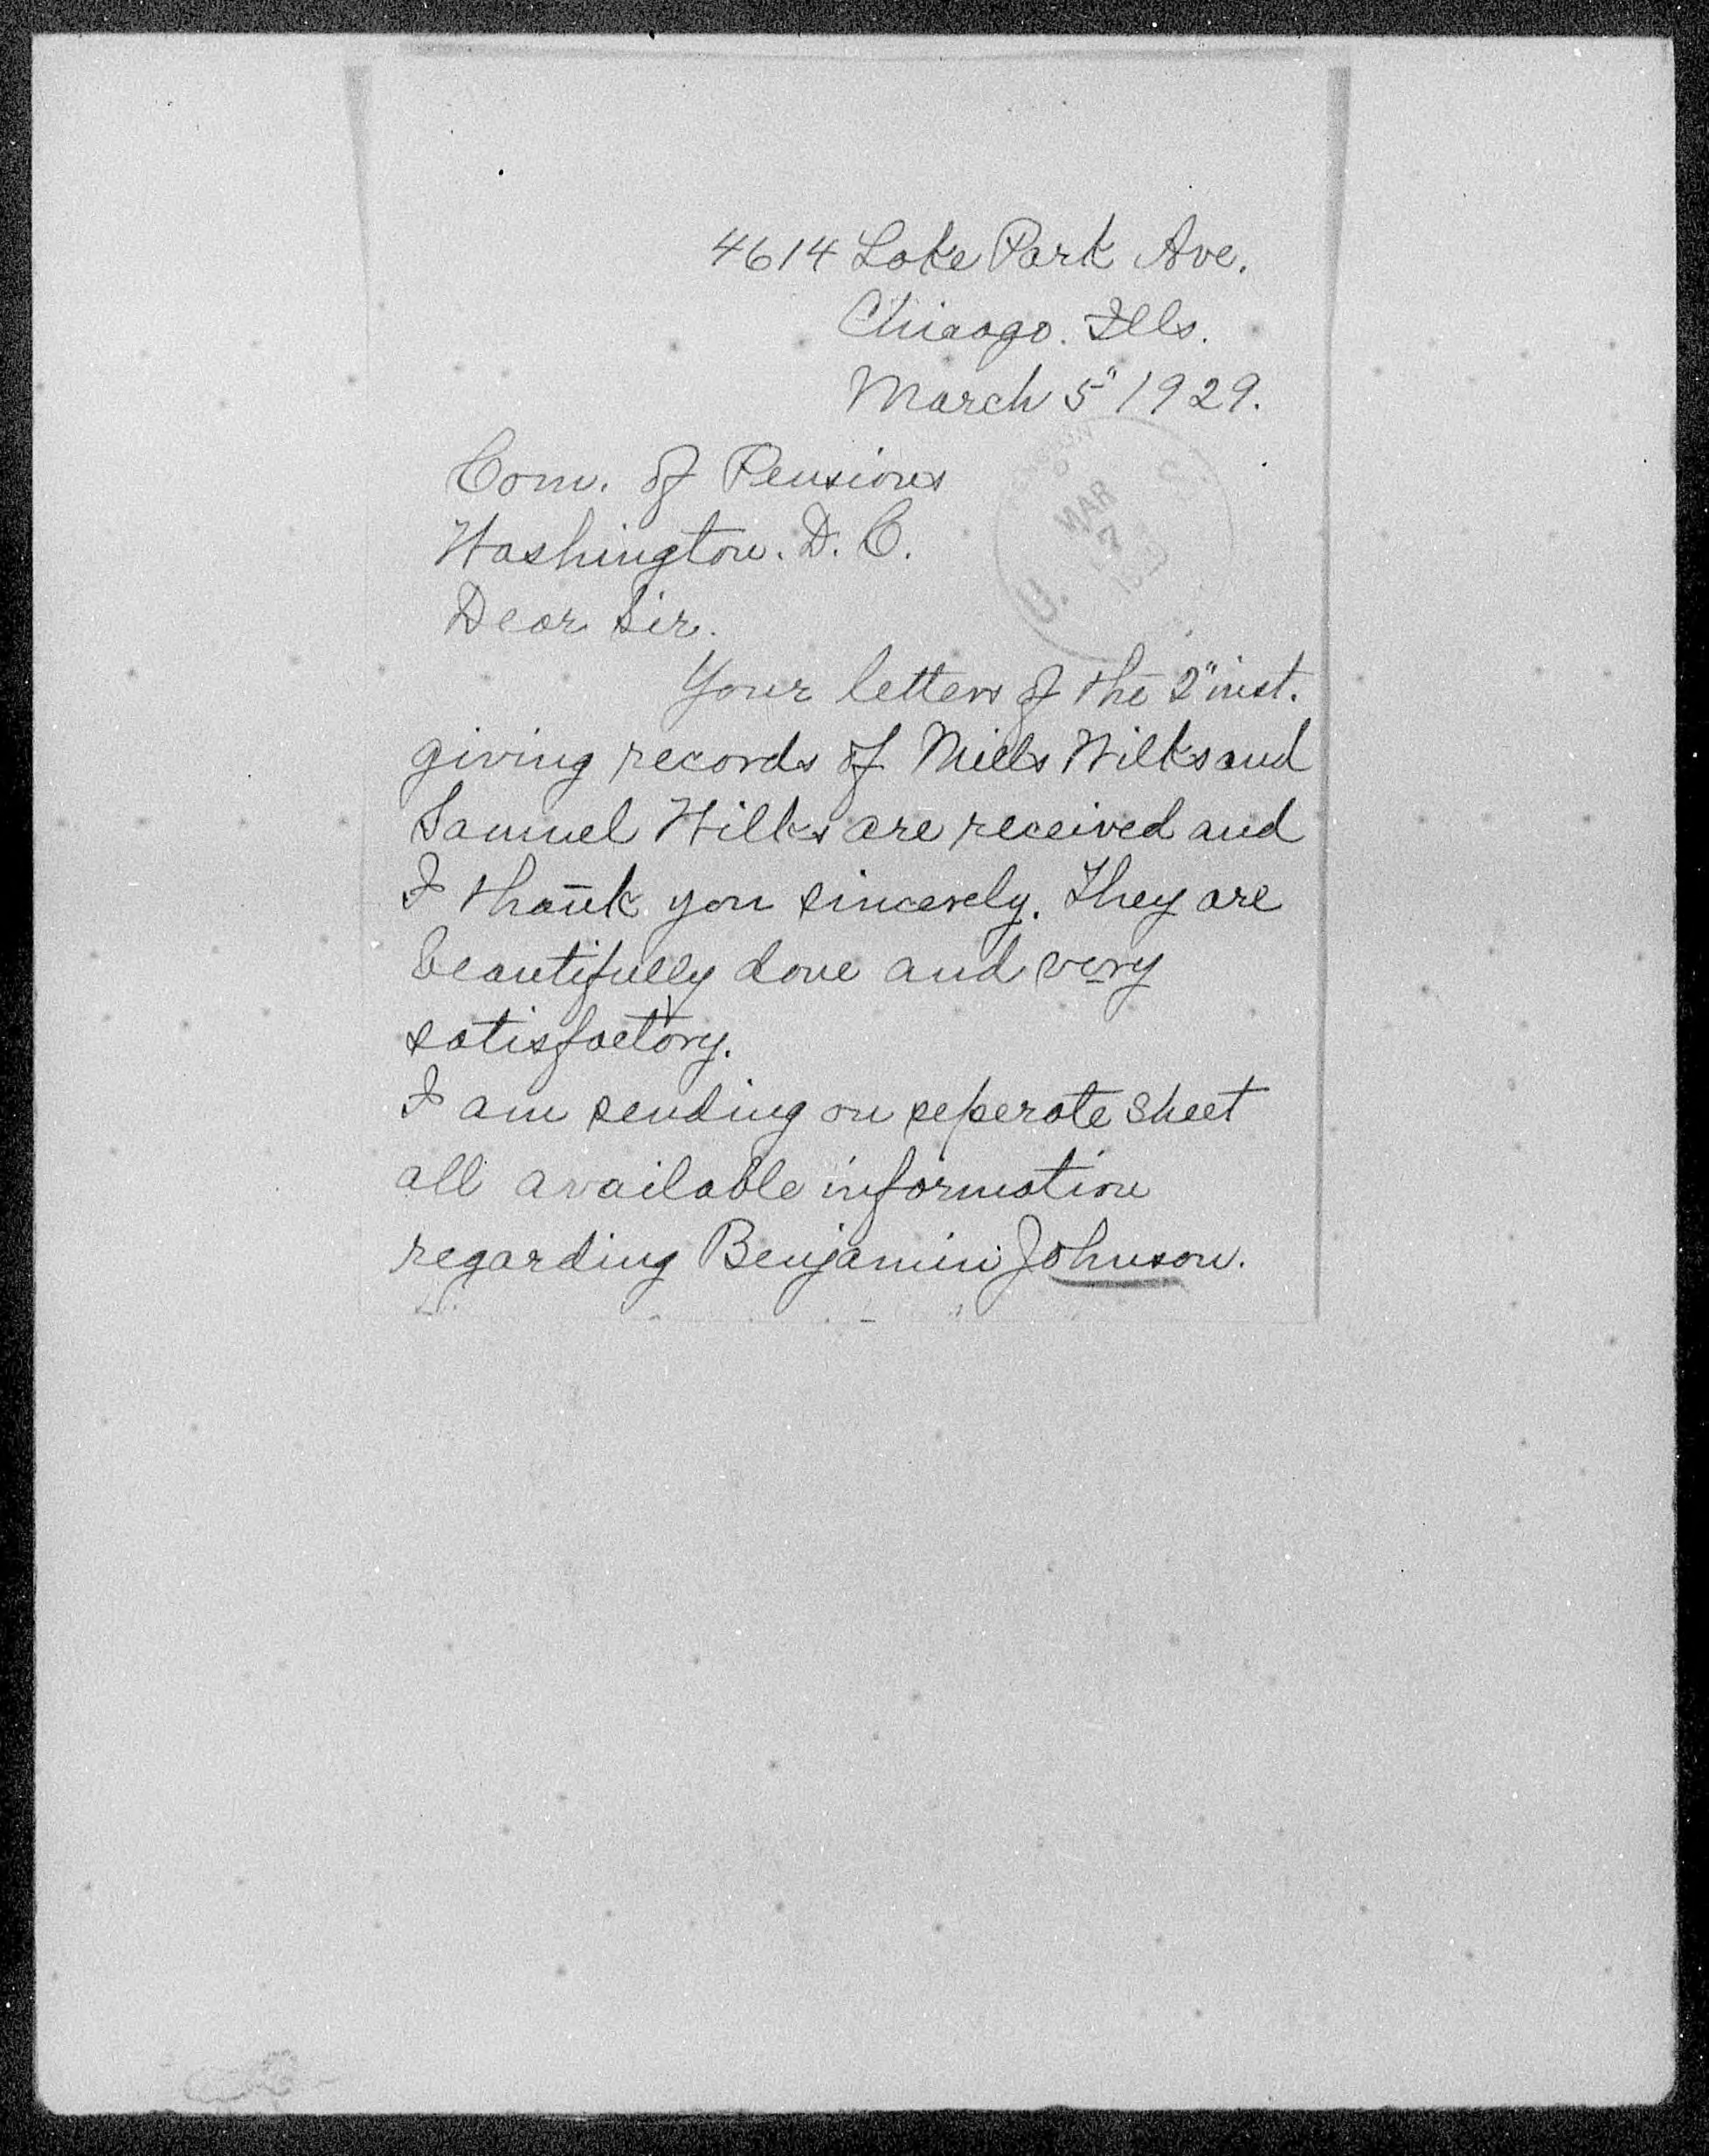4614 Lake Park Ave.
Chicago Ills.
March 5 1929
Com. of Pensions
Washington, D.C.
Dear Sir
Your letters of the 2" inst. giving records of Mills Wilks and Samuel Wilks are received and I thank you sincerely. They are beautifully done and very satisfactory
I am sending on seperate sheet all available information regarding Benjamin Johnson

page: 15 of 17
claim: rejected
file: R. 5674, for Benjamin Johnson, Virginia